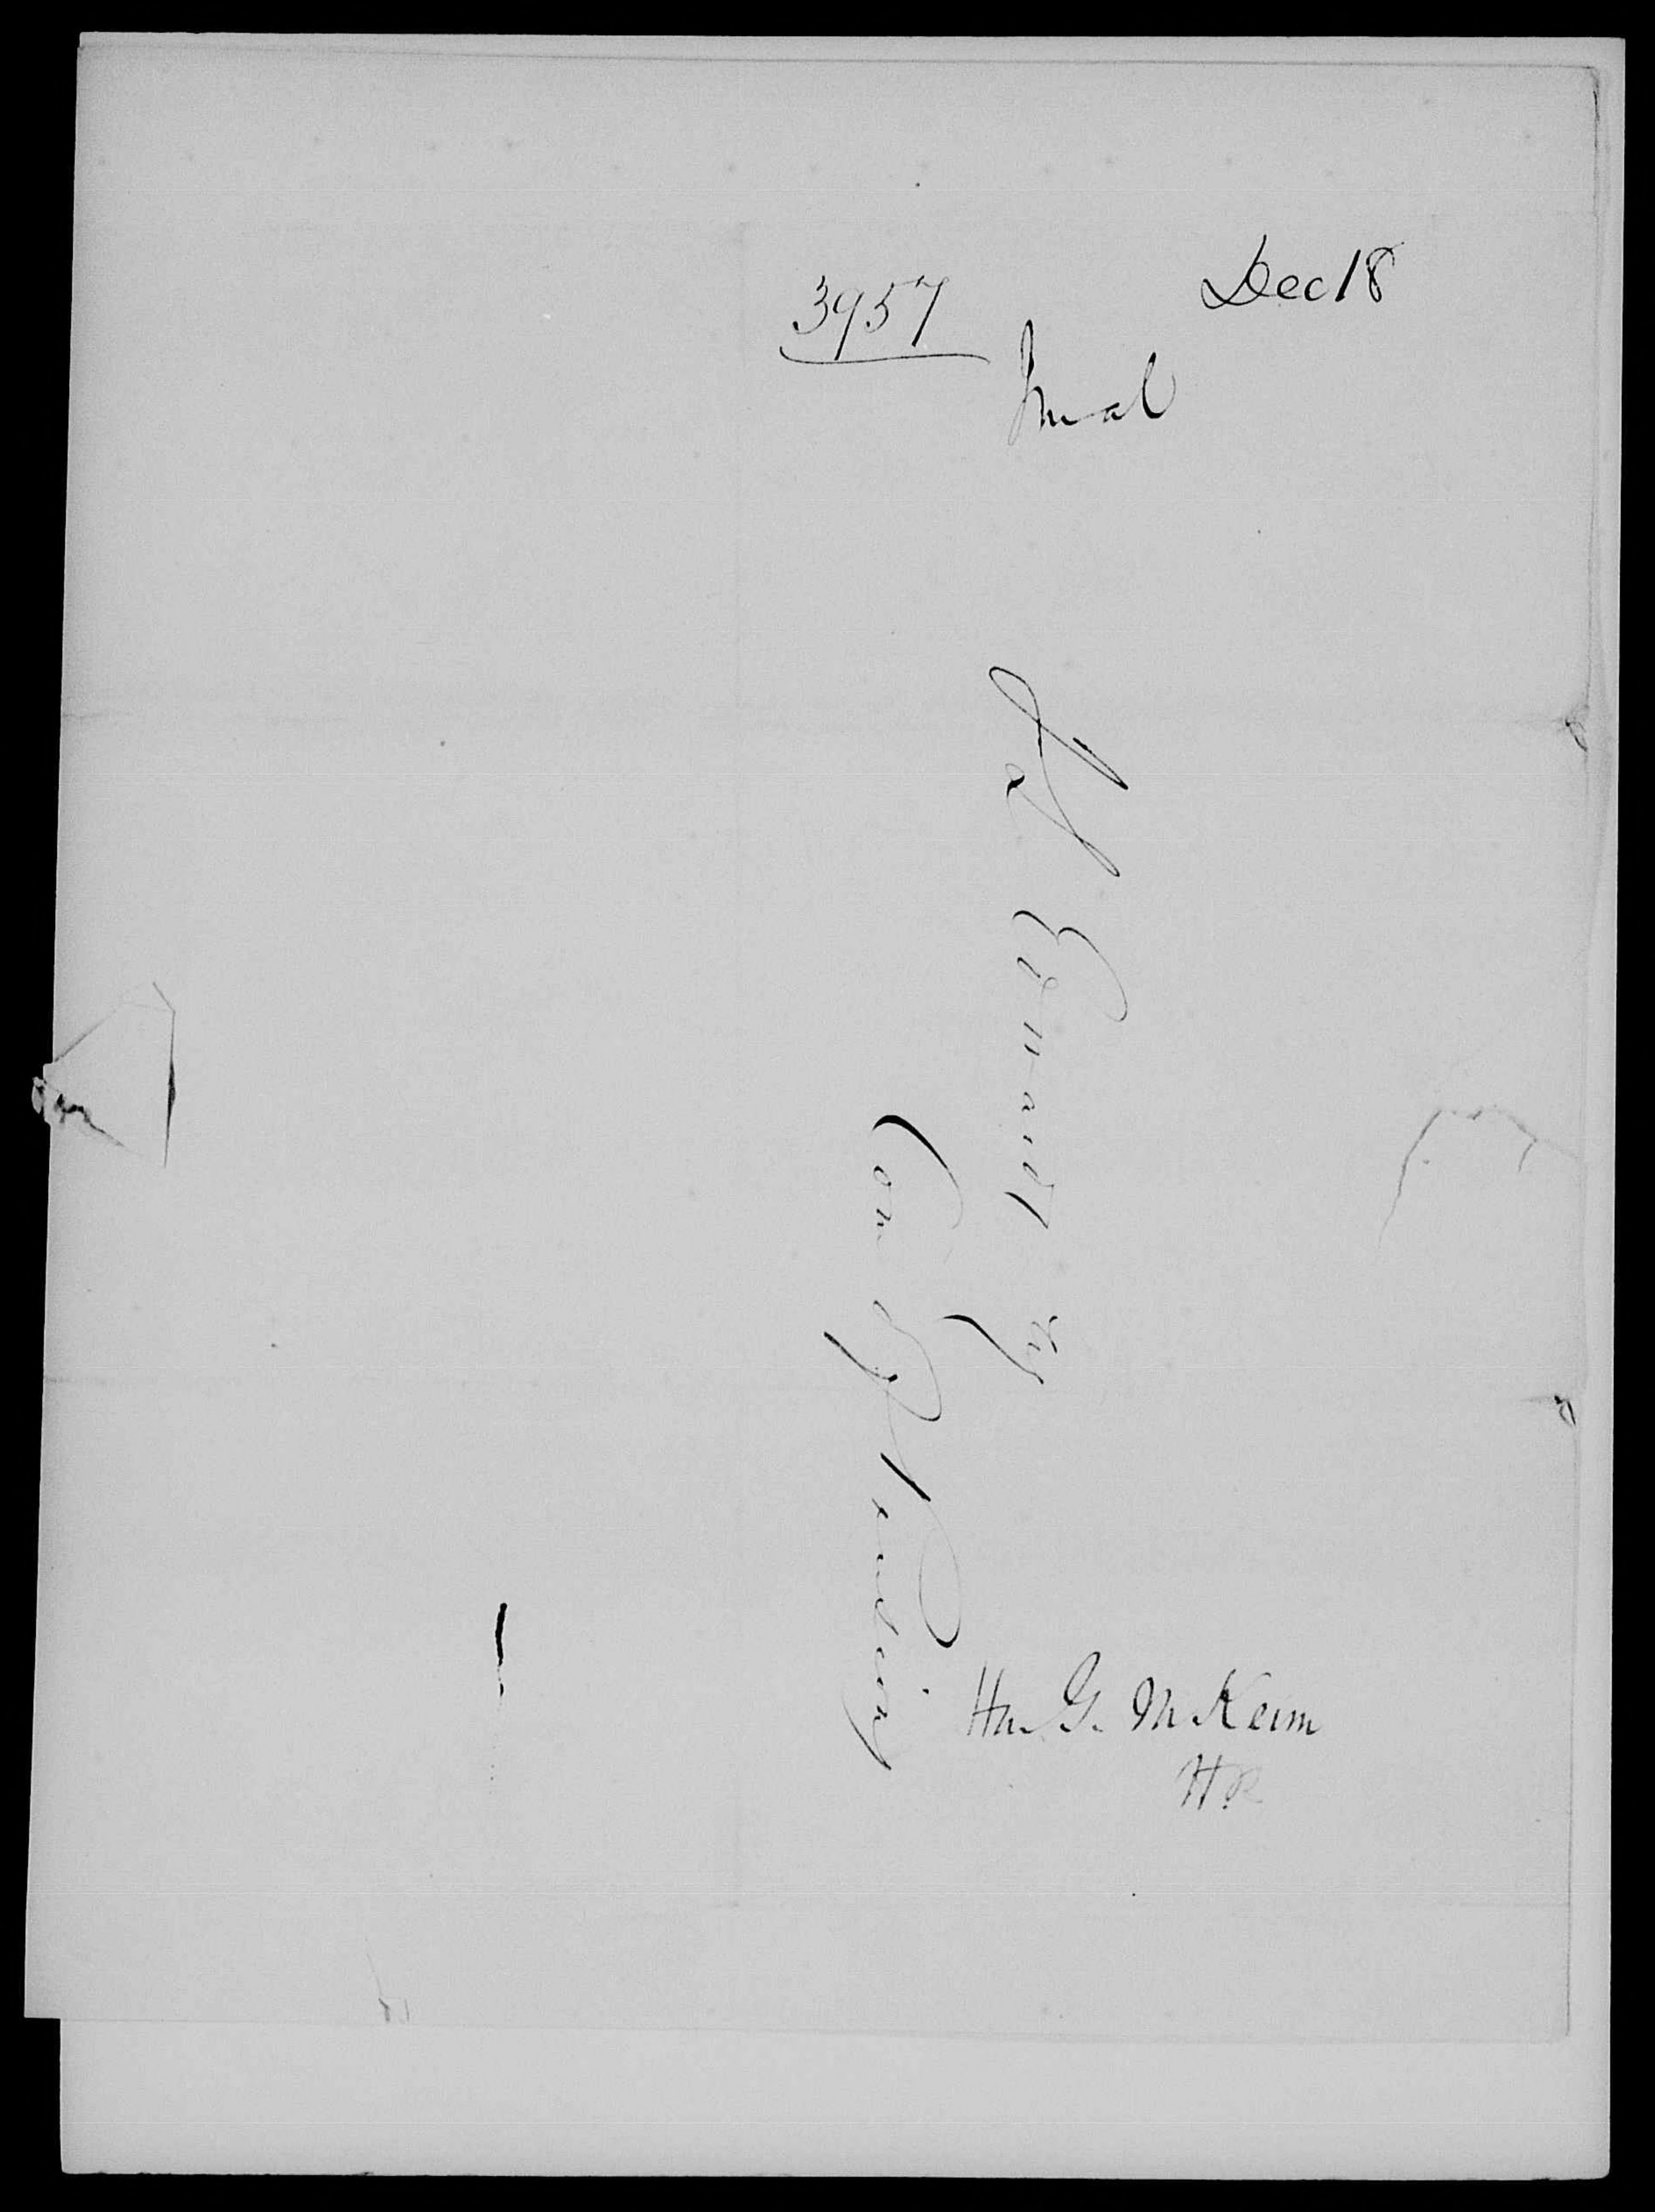3957 Dec 18
[illegible]
JL Edwards esq
Court of Pensions
Hm G M Keim
HR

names: J L Edwards, G M Keim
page: 17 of 29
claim: widow's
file: W. 2,789, George Hartman, New Jersey